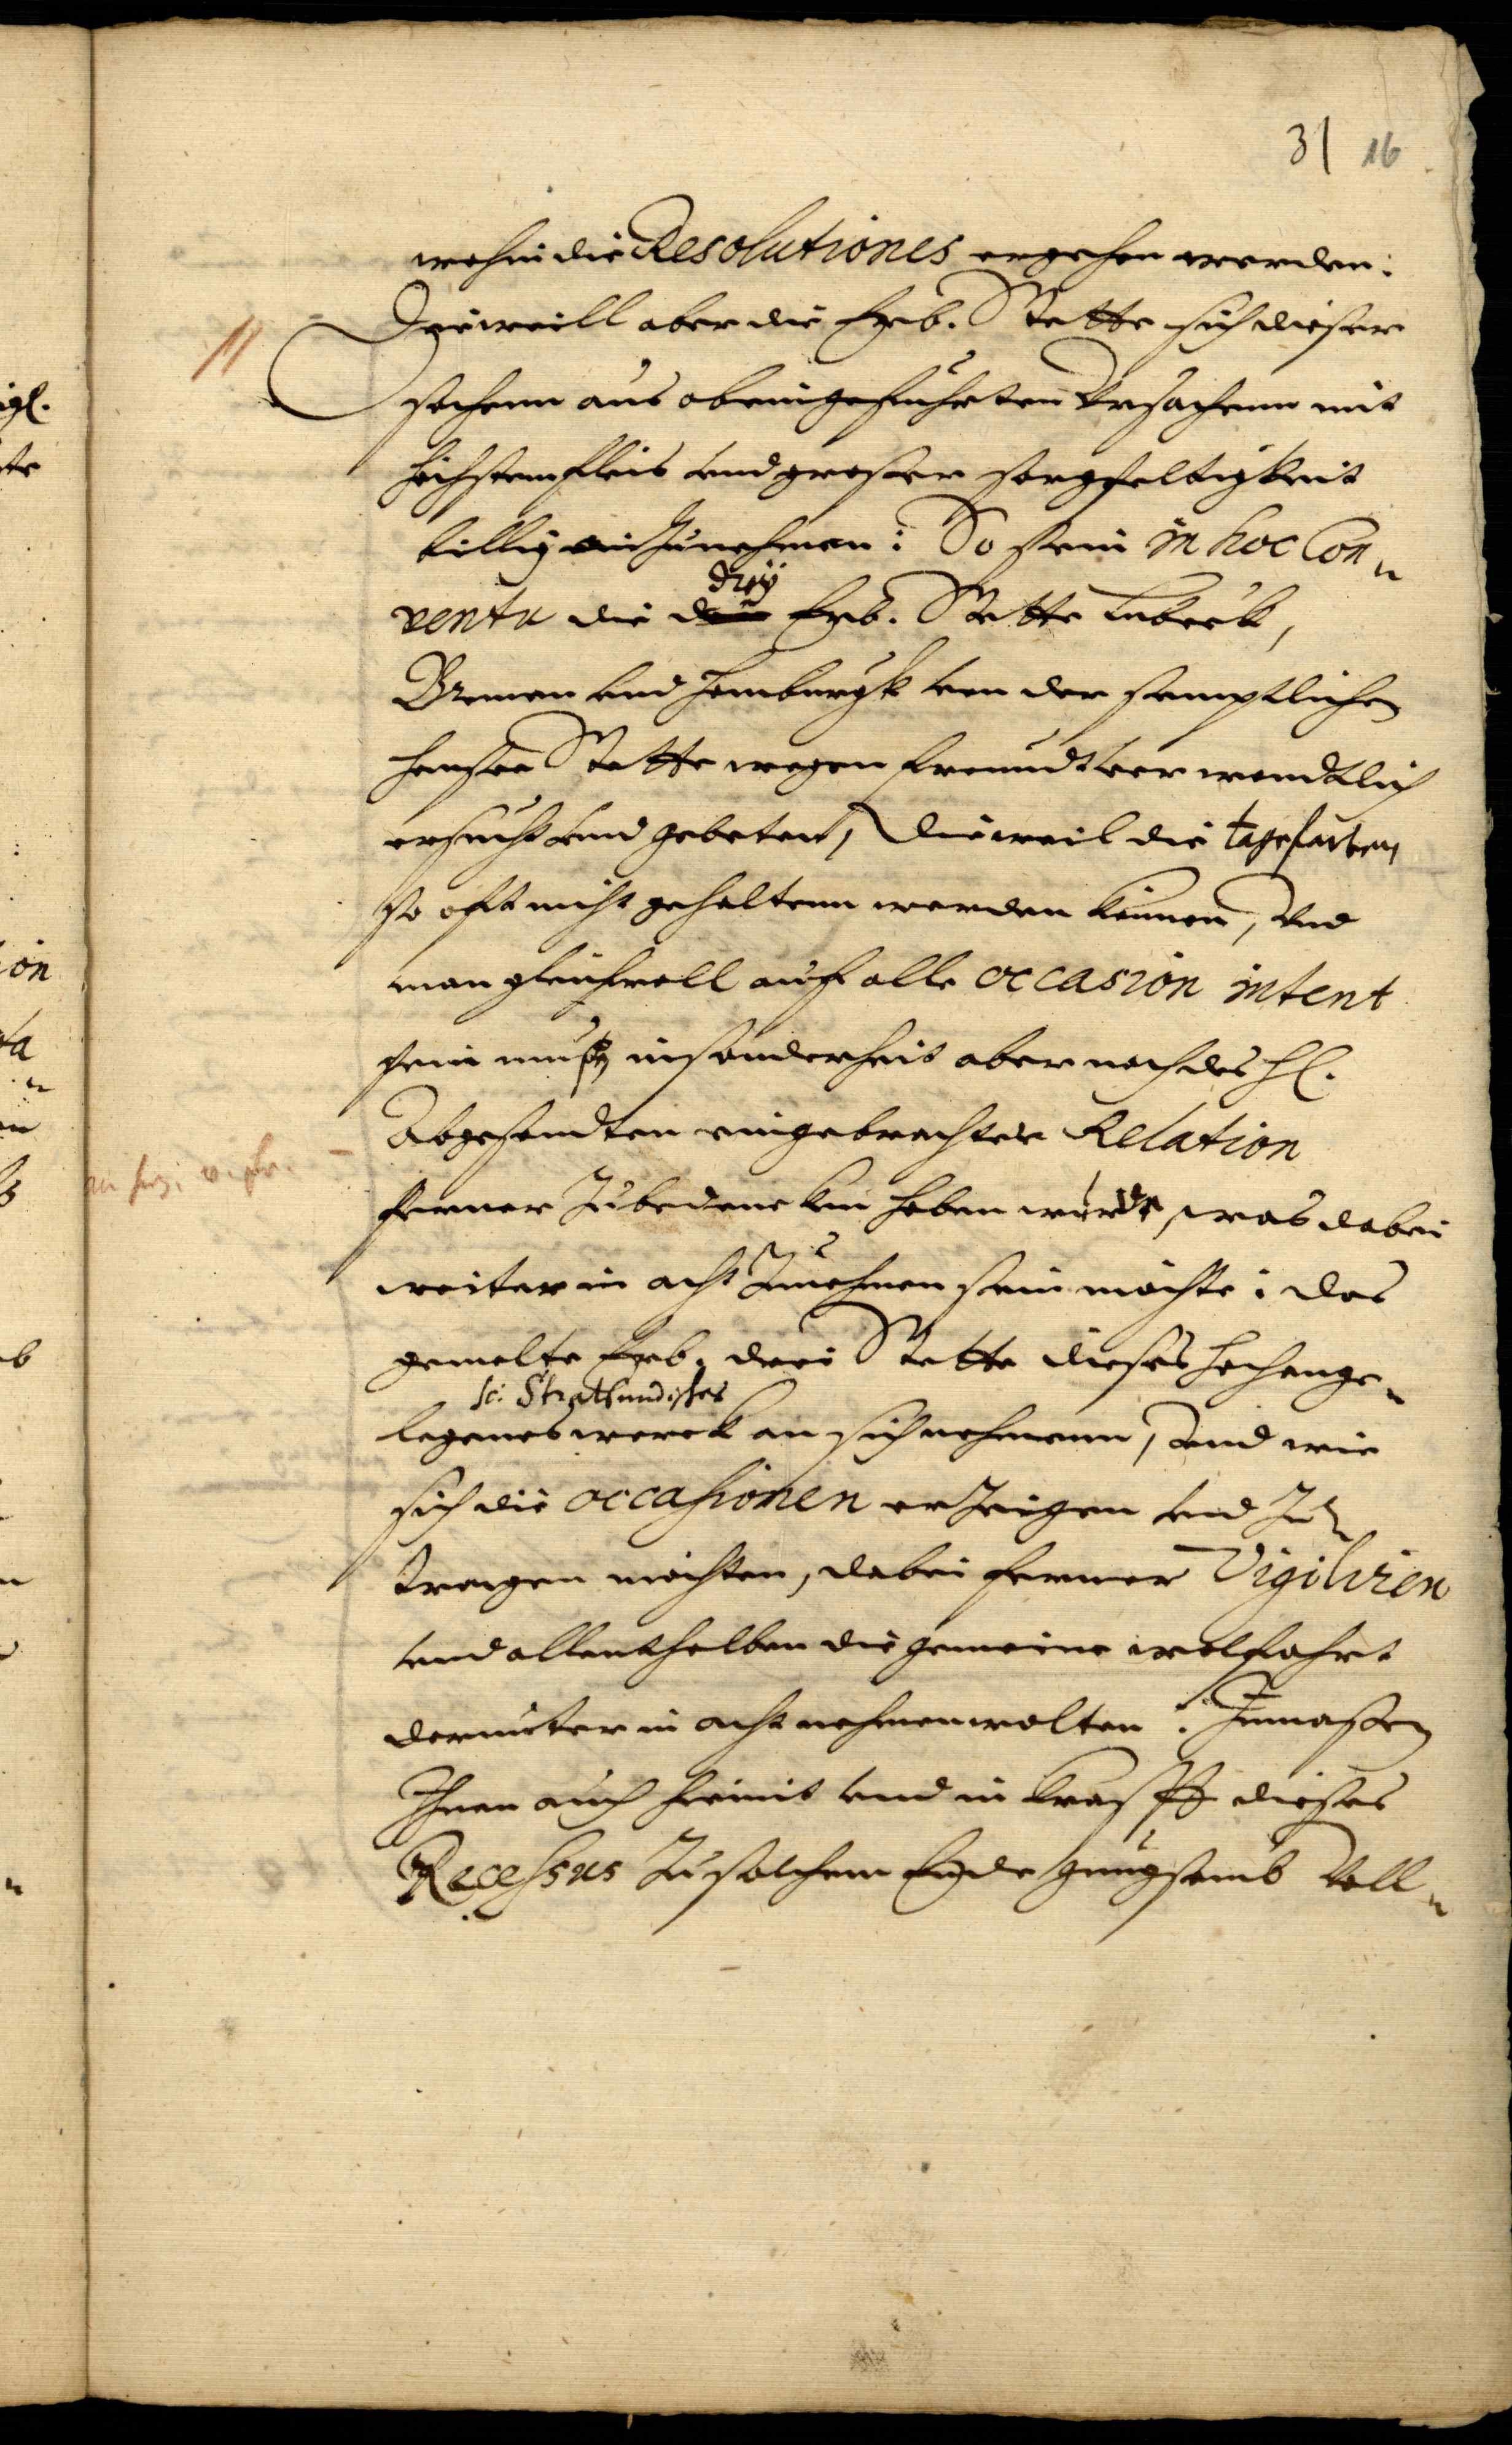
31
wohin die Resolutiones ergehen werden:
dieweill aber die Erb. Stette sich dieser
sachenn aus obeingefuhrten Vrsachenn mit
höchstem fleis vnd großer sorgfeltigkeit
billig anzunehmen: So sein in hoc Con¬
dreij
ventu die drue Erb. Stette Lubeck,
Bremen vnd Hamburgk von der semptlichen
hansee Stette wegen freundtverwendtlich
ersucht vnd gebeten, Dieweil die tagefarten
so oft nicht gehaltenn werden können, Vnd
man gleichwoll auf alle occasion intent
sein muße, insonderheit aber nach des H.
Abgesandten eingebrachter Relation
ferner zu bedencken haben wurde, was dabei
weiter in acht zunehmen sein möchte: das
gemelte Erb. drei Stette dieses hochange¬
sc: Stralsundisches
legenes werck an sich nehmenn, vnd wie
sich die occasionen erzeigen vnd zu¬
tragen möchten, dabei ferner Vigiliren
vnd allenthalben die gemeine wolfahrt
darunter in acht nehmen wolten: Inmaßen
Ihnen auch hiemit vnd in Krafft dieses
Recessus zu solchem Ende gnugsamb Voll¬
